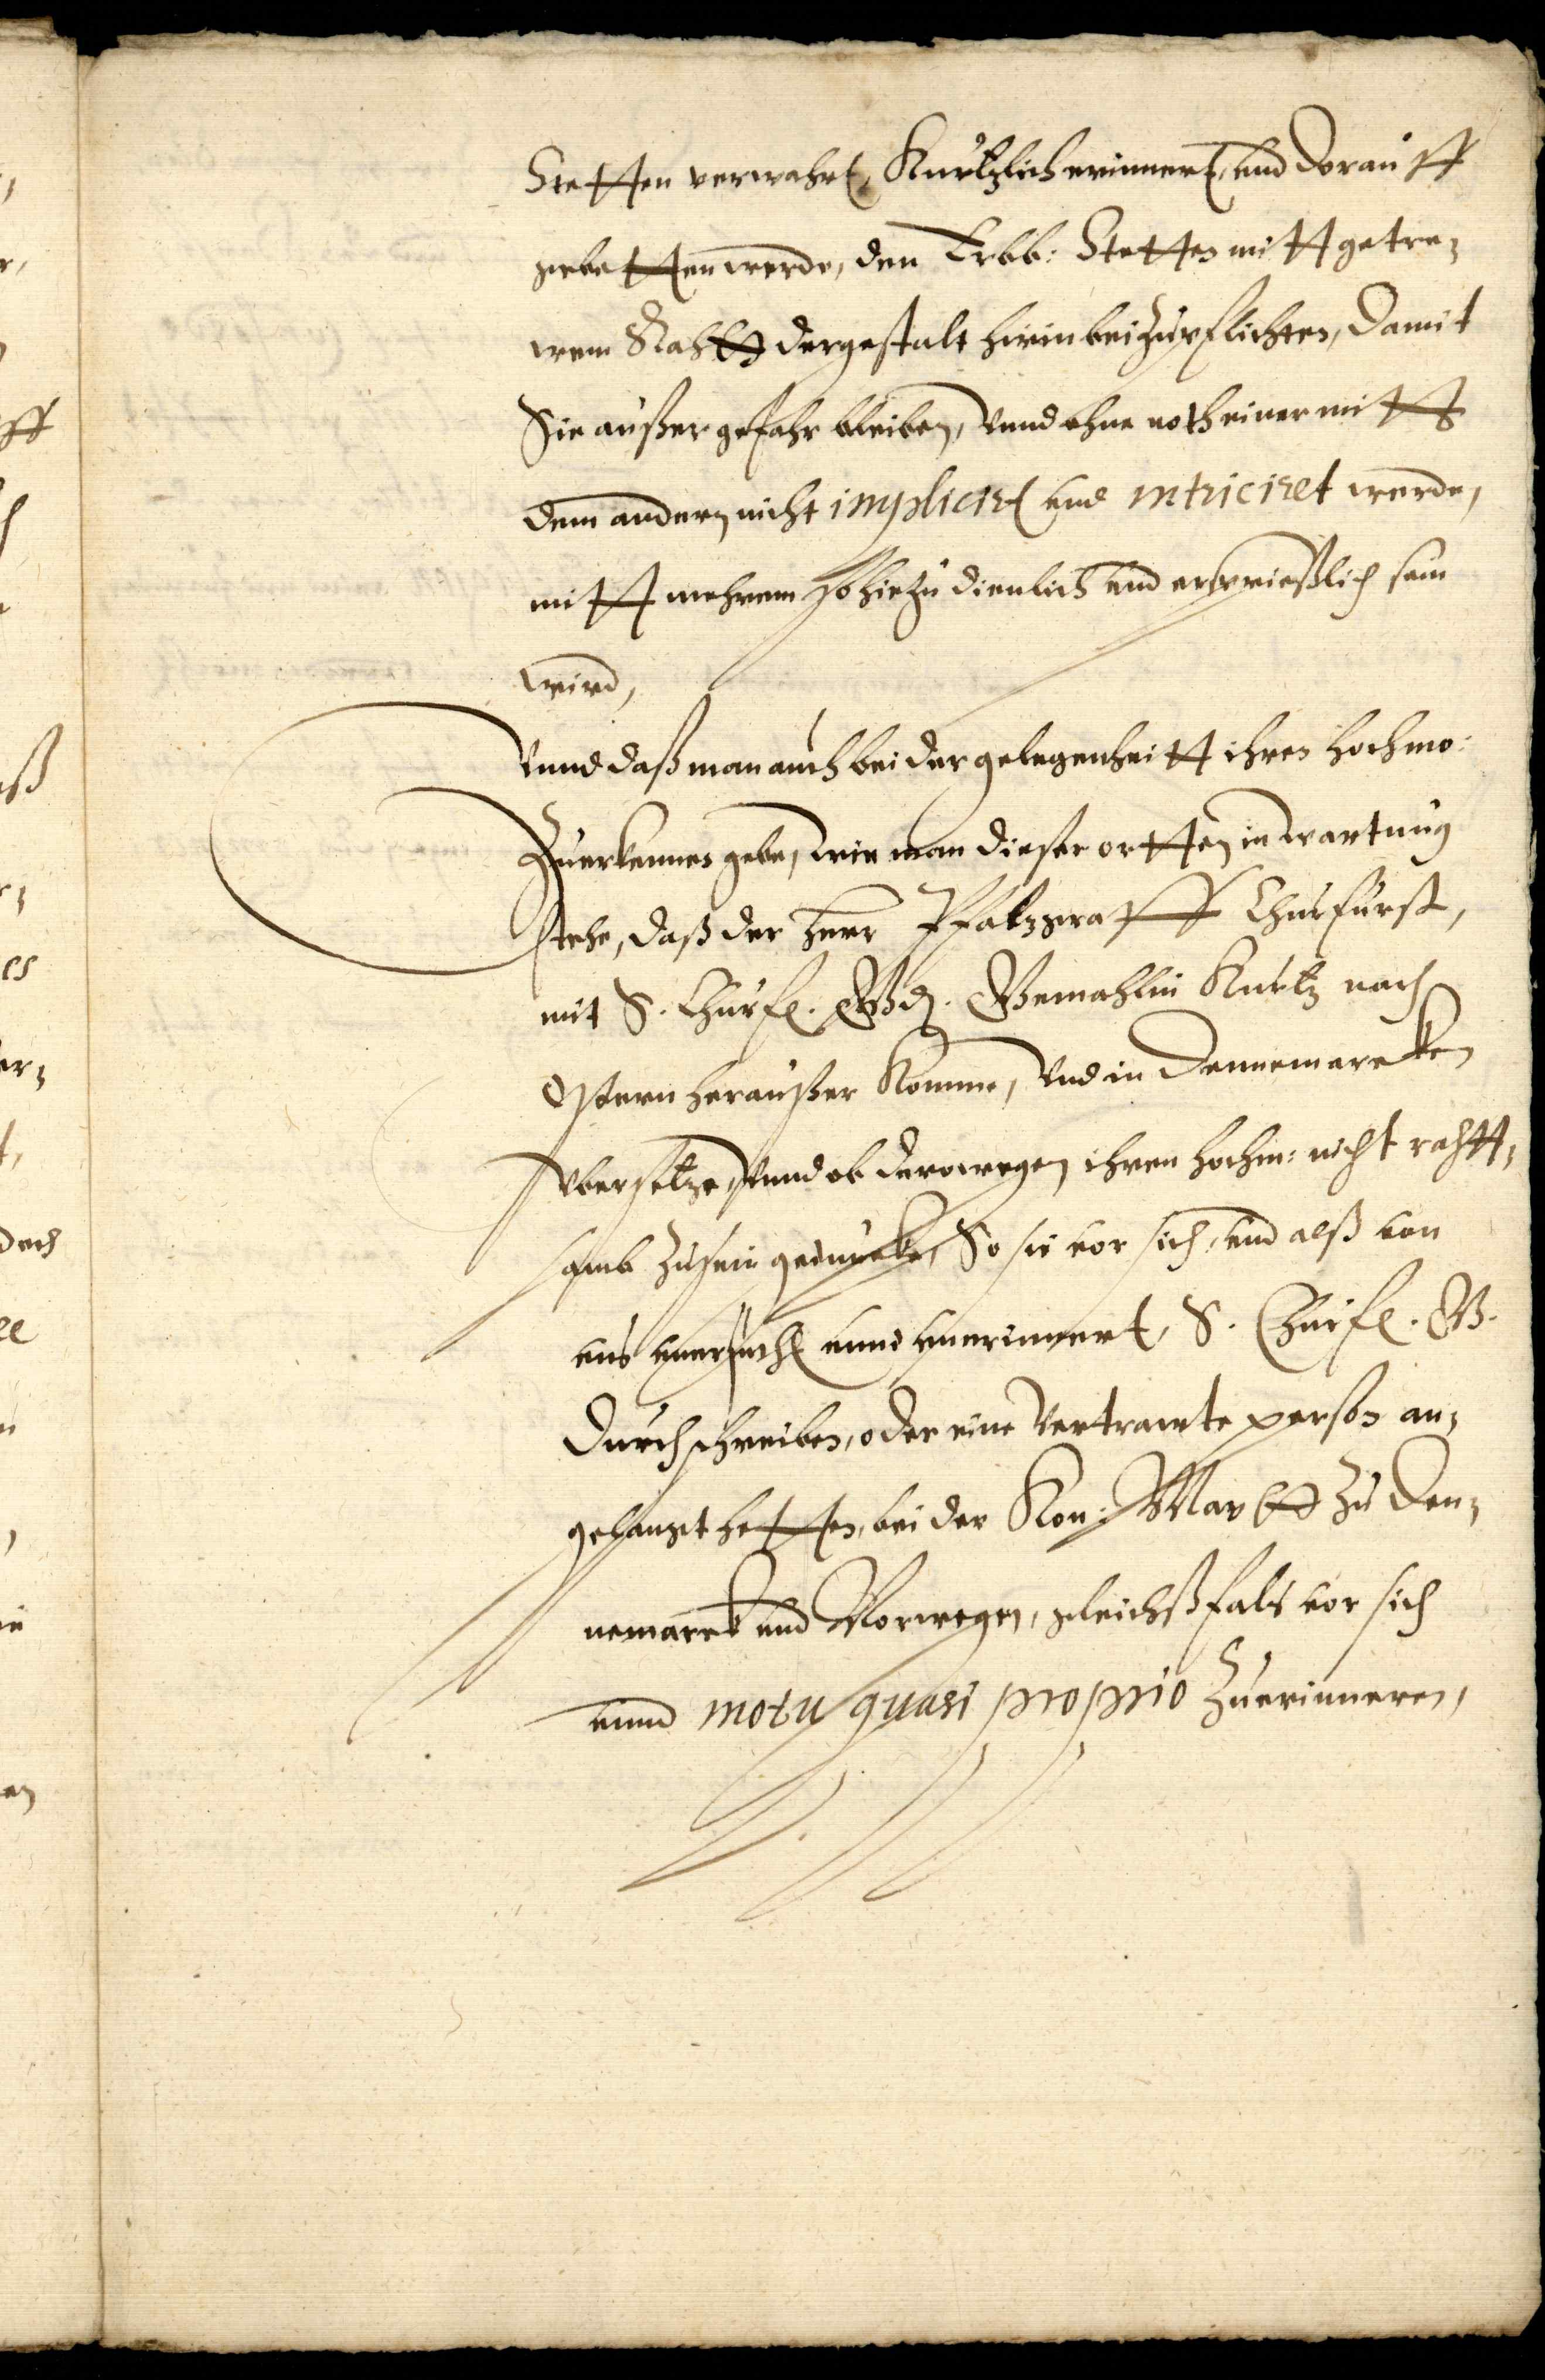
Stetten verwahrt, kurtzlich erinnert, vnd dorauff
gebetten werde, den Erbb: Stetten mitt getre¬
wem Rahtt dergestalt hirin beizupflichten, damit
Sie außer gefahr bleiben, vnnd ohne noth einer mitt
dem andern nicht implicirt vnd intriciret werde,
mitt mehrem so hiezu dienlich vnd ersprießlich sein
wird,
Vnnd daß man auch bei der gelegenheitt ihren hochmo:
zuerkennen gebe, wie man dieser ortten in wartung
stehe, daß der herr Pfalzgraff Churfurst,
mit S. Churfl. Gd. Gemahlin kurtz nach
Ostern heraußer komme, vnd in Dennemarcken
vbersetze, vnd ob derowegen ihrem hochm: nicht rahtt¬
samb zusein geduncke, So sie vor sich vnd alß von
vns vnersucht vnnd vnerinnert, S. Churfl. G.
durch schreiben, oder eine vertrawte person an¬
gelangt hetten, bei der Kon: Maytt zu Den¬
nemarck vnd Norwegen, gleichßfals vor sich
vnnd motu quasi proprio zuerinneren,
